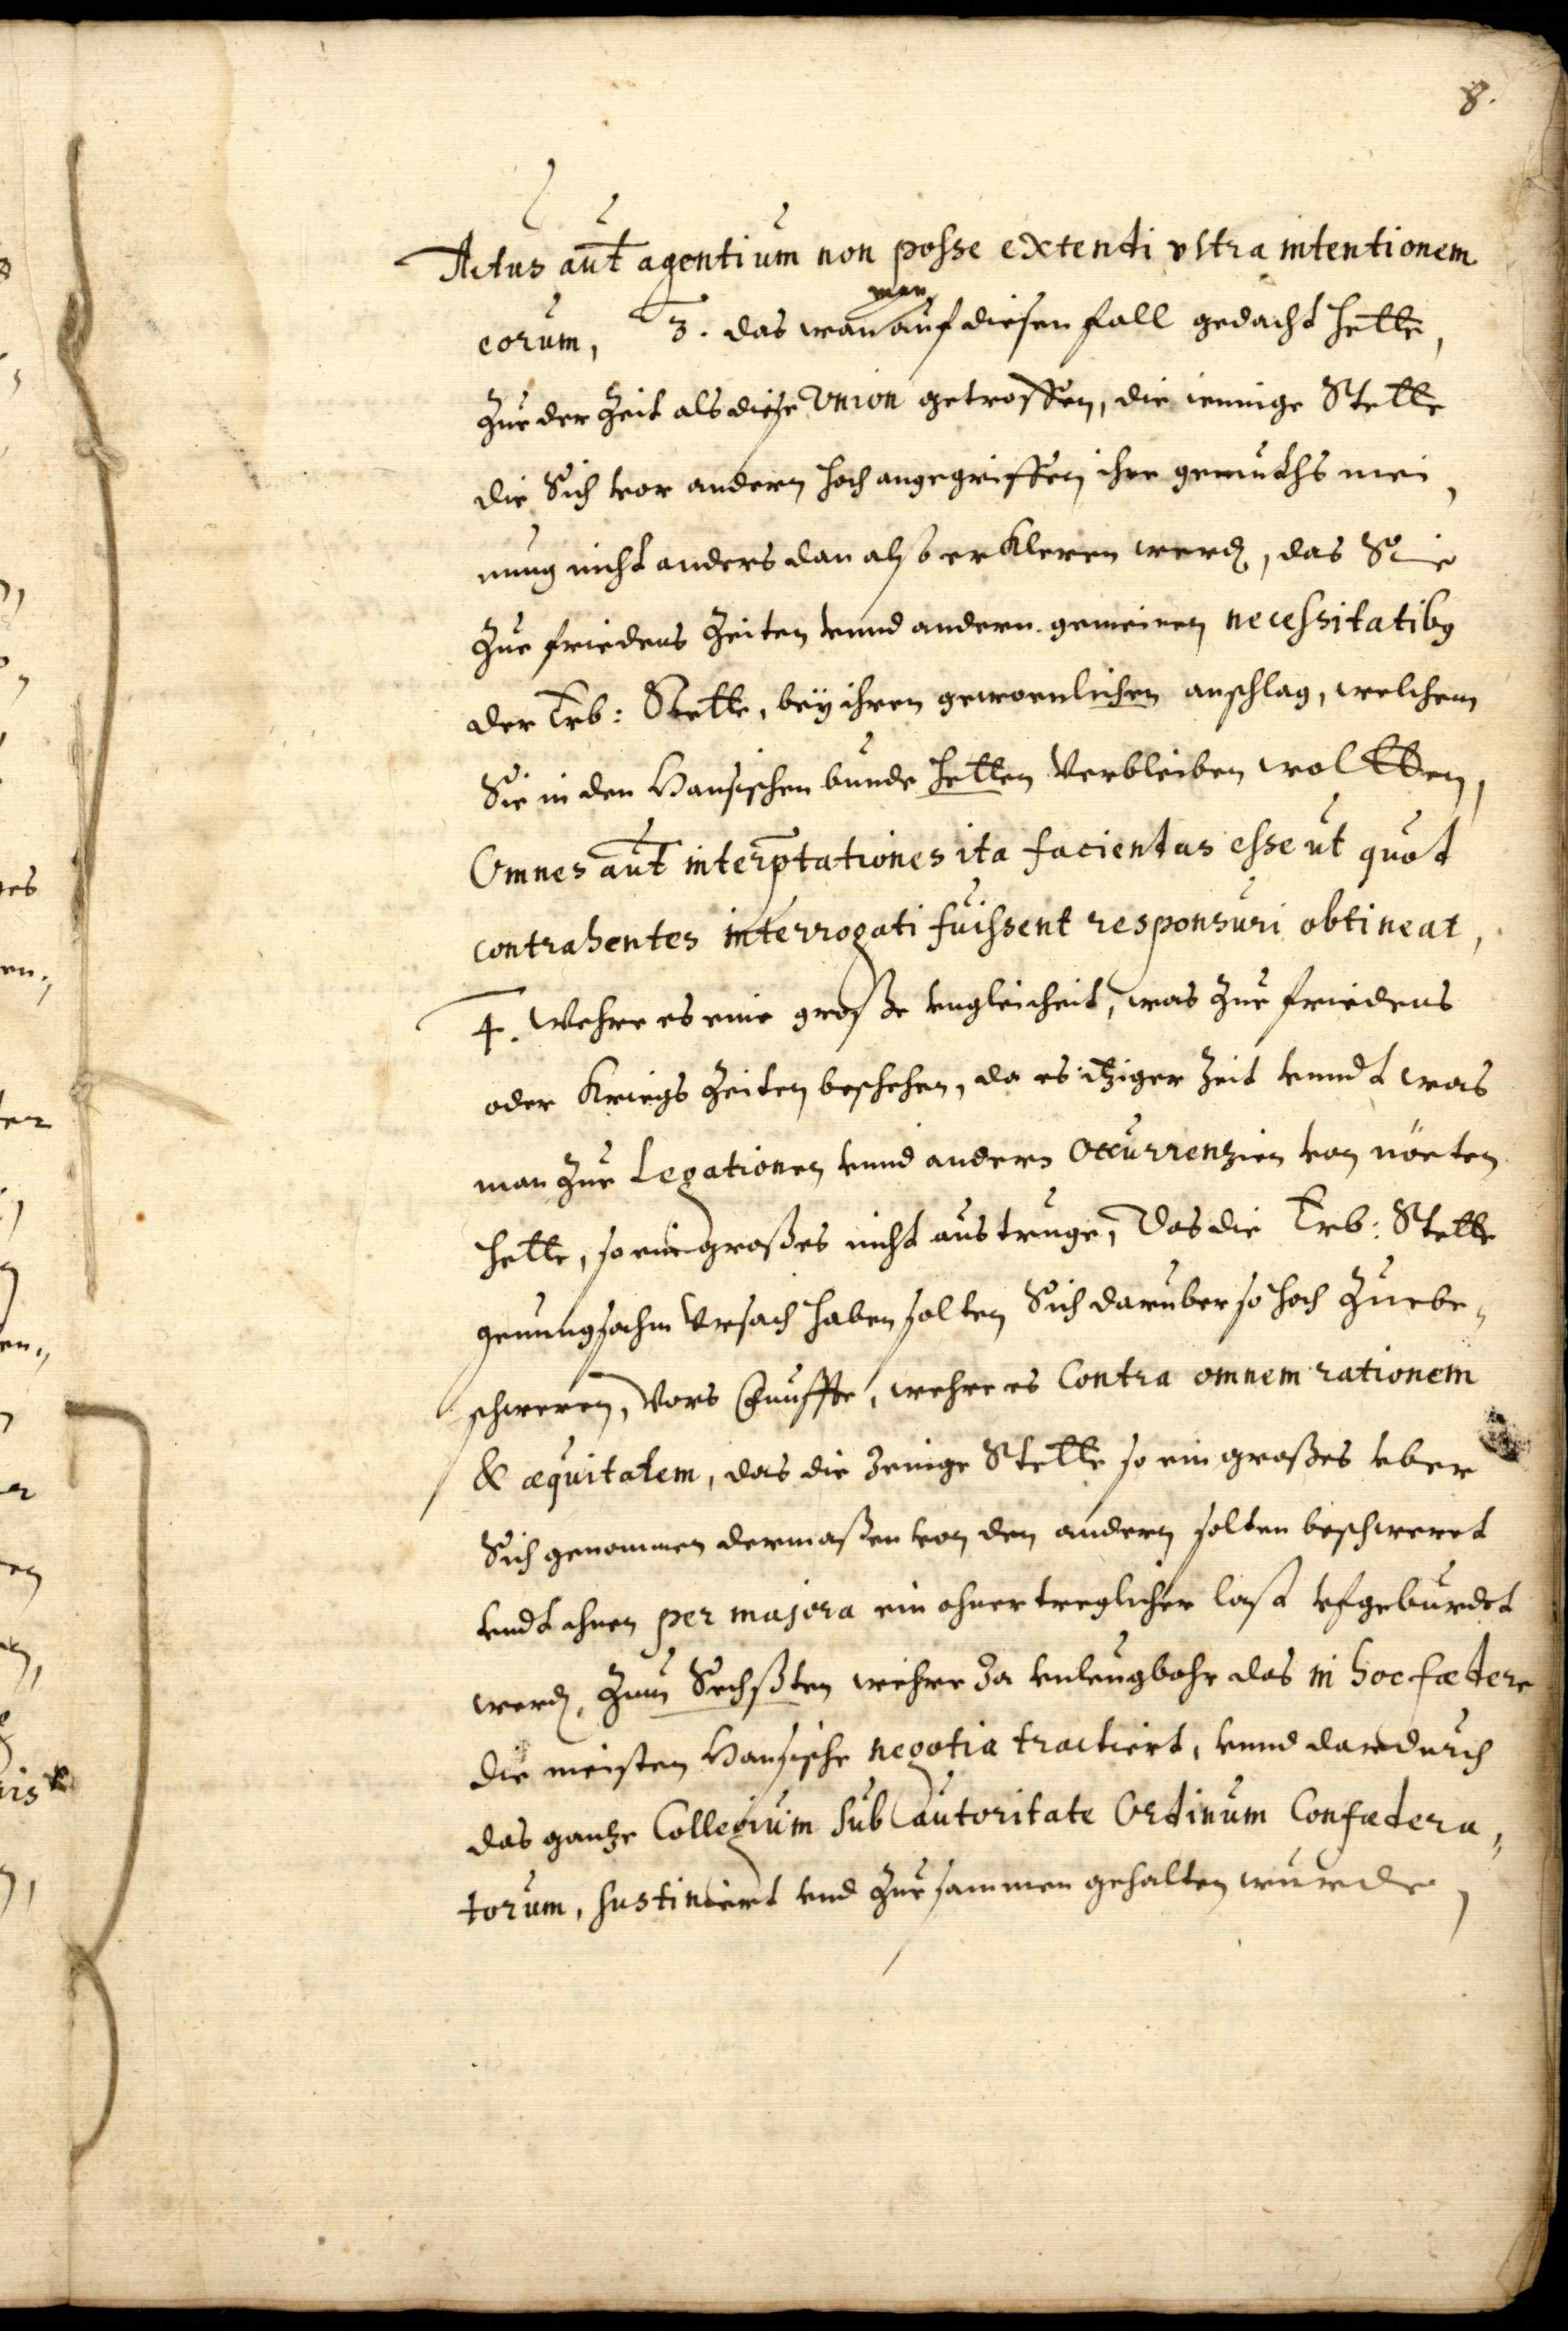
8.
Actus aut agentium non posse extendi ultra intentionem
man
corum, 3. das wan auf diesen fall gedacht hette,
zue der Zeit als diese Union getroffen, die iennige Stette
die Sich vor andern hoch angegriffen ihre gemuths mei¬
nung nicht anders dan also erkleren werden, das Sie
zue friedens zeiten vnnd andern gemeinen necessitatibus
der Erb: Stette, beij ihren gewoenlichen anschlag, welchem
Sie in den Hansischen bunde hetten Verbleiben woltten,
Omnes aut interpretationes ita facientas esse ut quot
contrahenten interrogati fuissent responsuri obtineat,
4. Wehre es eine große vngleicheit, was zue friedens
oder Kriegs zeiten beschehen, als es itziger zeit vnndt was
man zue Legationen vnnd andern Occurrenzien von nöeten
hette, so ein großes nicht austruge, Das die Erb: Stette
genungsahm Vrsach haben solten, Sich daruber so hoch Zuebe¬
schweren, Vors Funffte, wehre es Contra omnem rationem
& aquitatem , das die zenige Stette so ein großes vber
Sich genommen dermaßen von den andern solten beschweret
Vndt ahnen per majora ein ohnertreglicher last vfgeburdet
werden, Zum Sechßten wehre ja vnleugbahr das in hoc fadere
die meisten Hansische negotia tractiert, vnnd dardurch
das ganze Collegium sub autoritate Ordinum Confodera¬
torum, sustiniert vnd zuesammen gehalten wurde,
